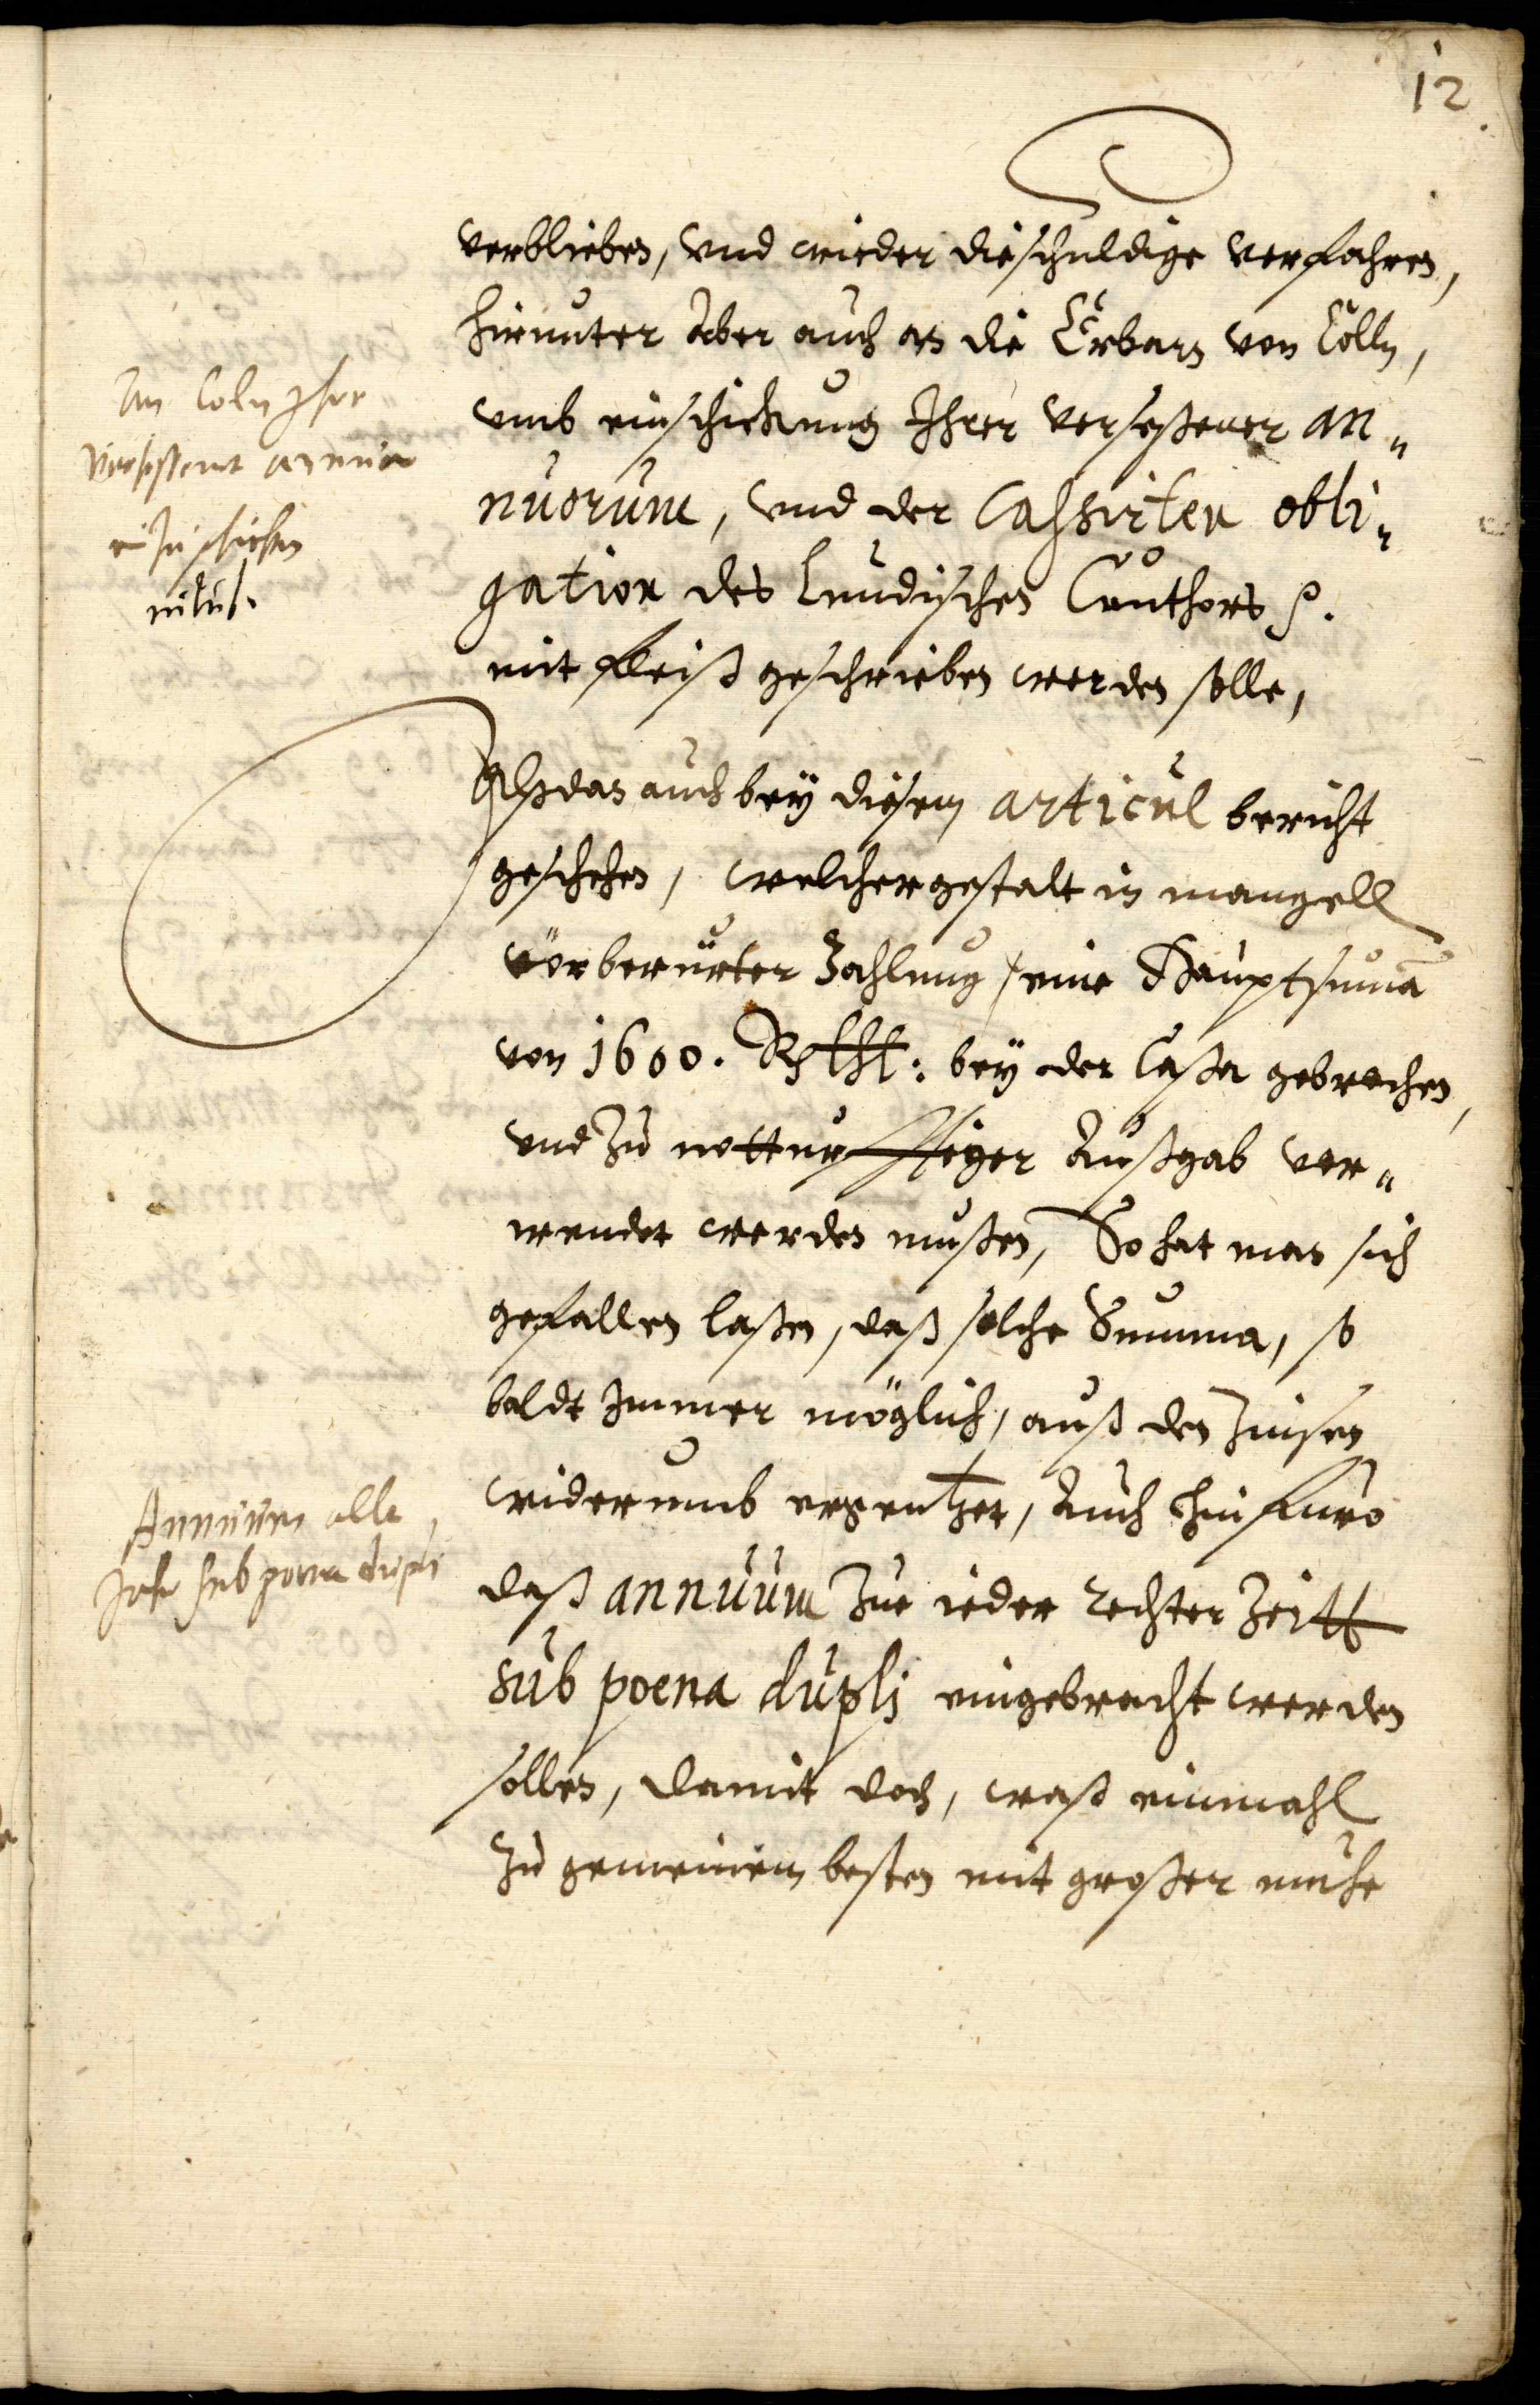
12.
verblieben, vnd wieder die schuldige verfahren,
hirunter Aber auch an die Erbarn von Cölln,
vmb einschickung Ihrer verseßener an¬
nuorum, vnd der cassirten obli¬
gation des Lundischen Cunthors p.
mit fleiß geschrieben werden solle,
An Coln Ihre
versessene annua
einzuschicken
intus.
Annuum alle
Jahr sub poena dupli
Alßdan auch beij diesem articul bericht
geschehen, welcher gestalt in mangell
vörberürter Zahlung, eine Hauptsuma
von 1600. Rhthl: beij der Caßa gebrechen,
vnd zu notturfftiger Außgab ver¬
wendet werden mußen, So hat man sich
gefallen laßen, daß solche Summa, so
baldt immer möglich, auß den Zinsen
widerumb ergentzet, Auch hinfuro
daß annuum zue ieder rechten zeitt
sub poena dupli eingebracht werden
sollen, damit doch, waß einmahl
zu gemeinem besten mit großer muhe
